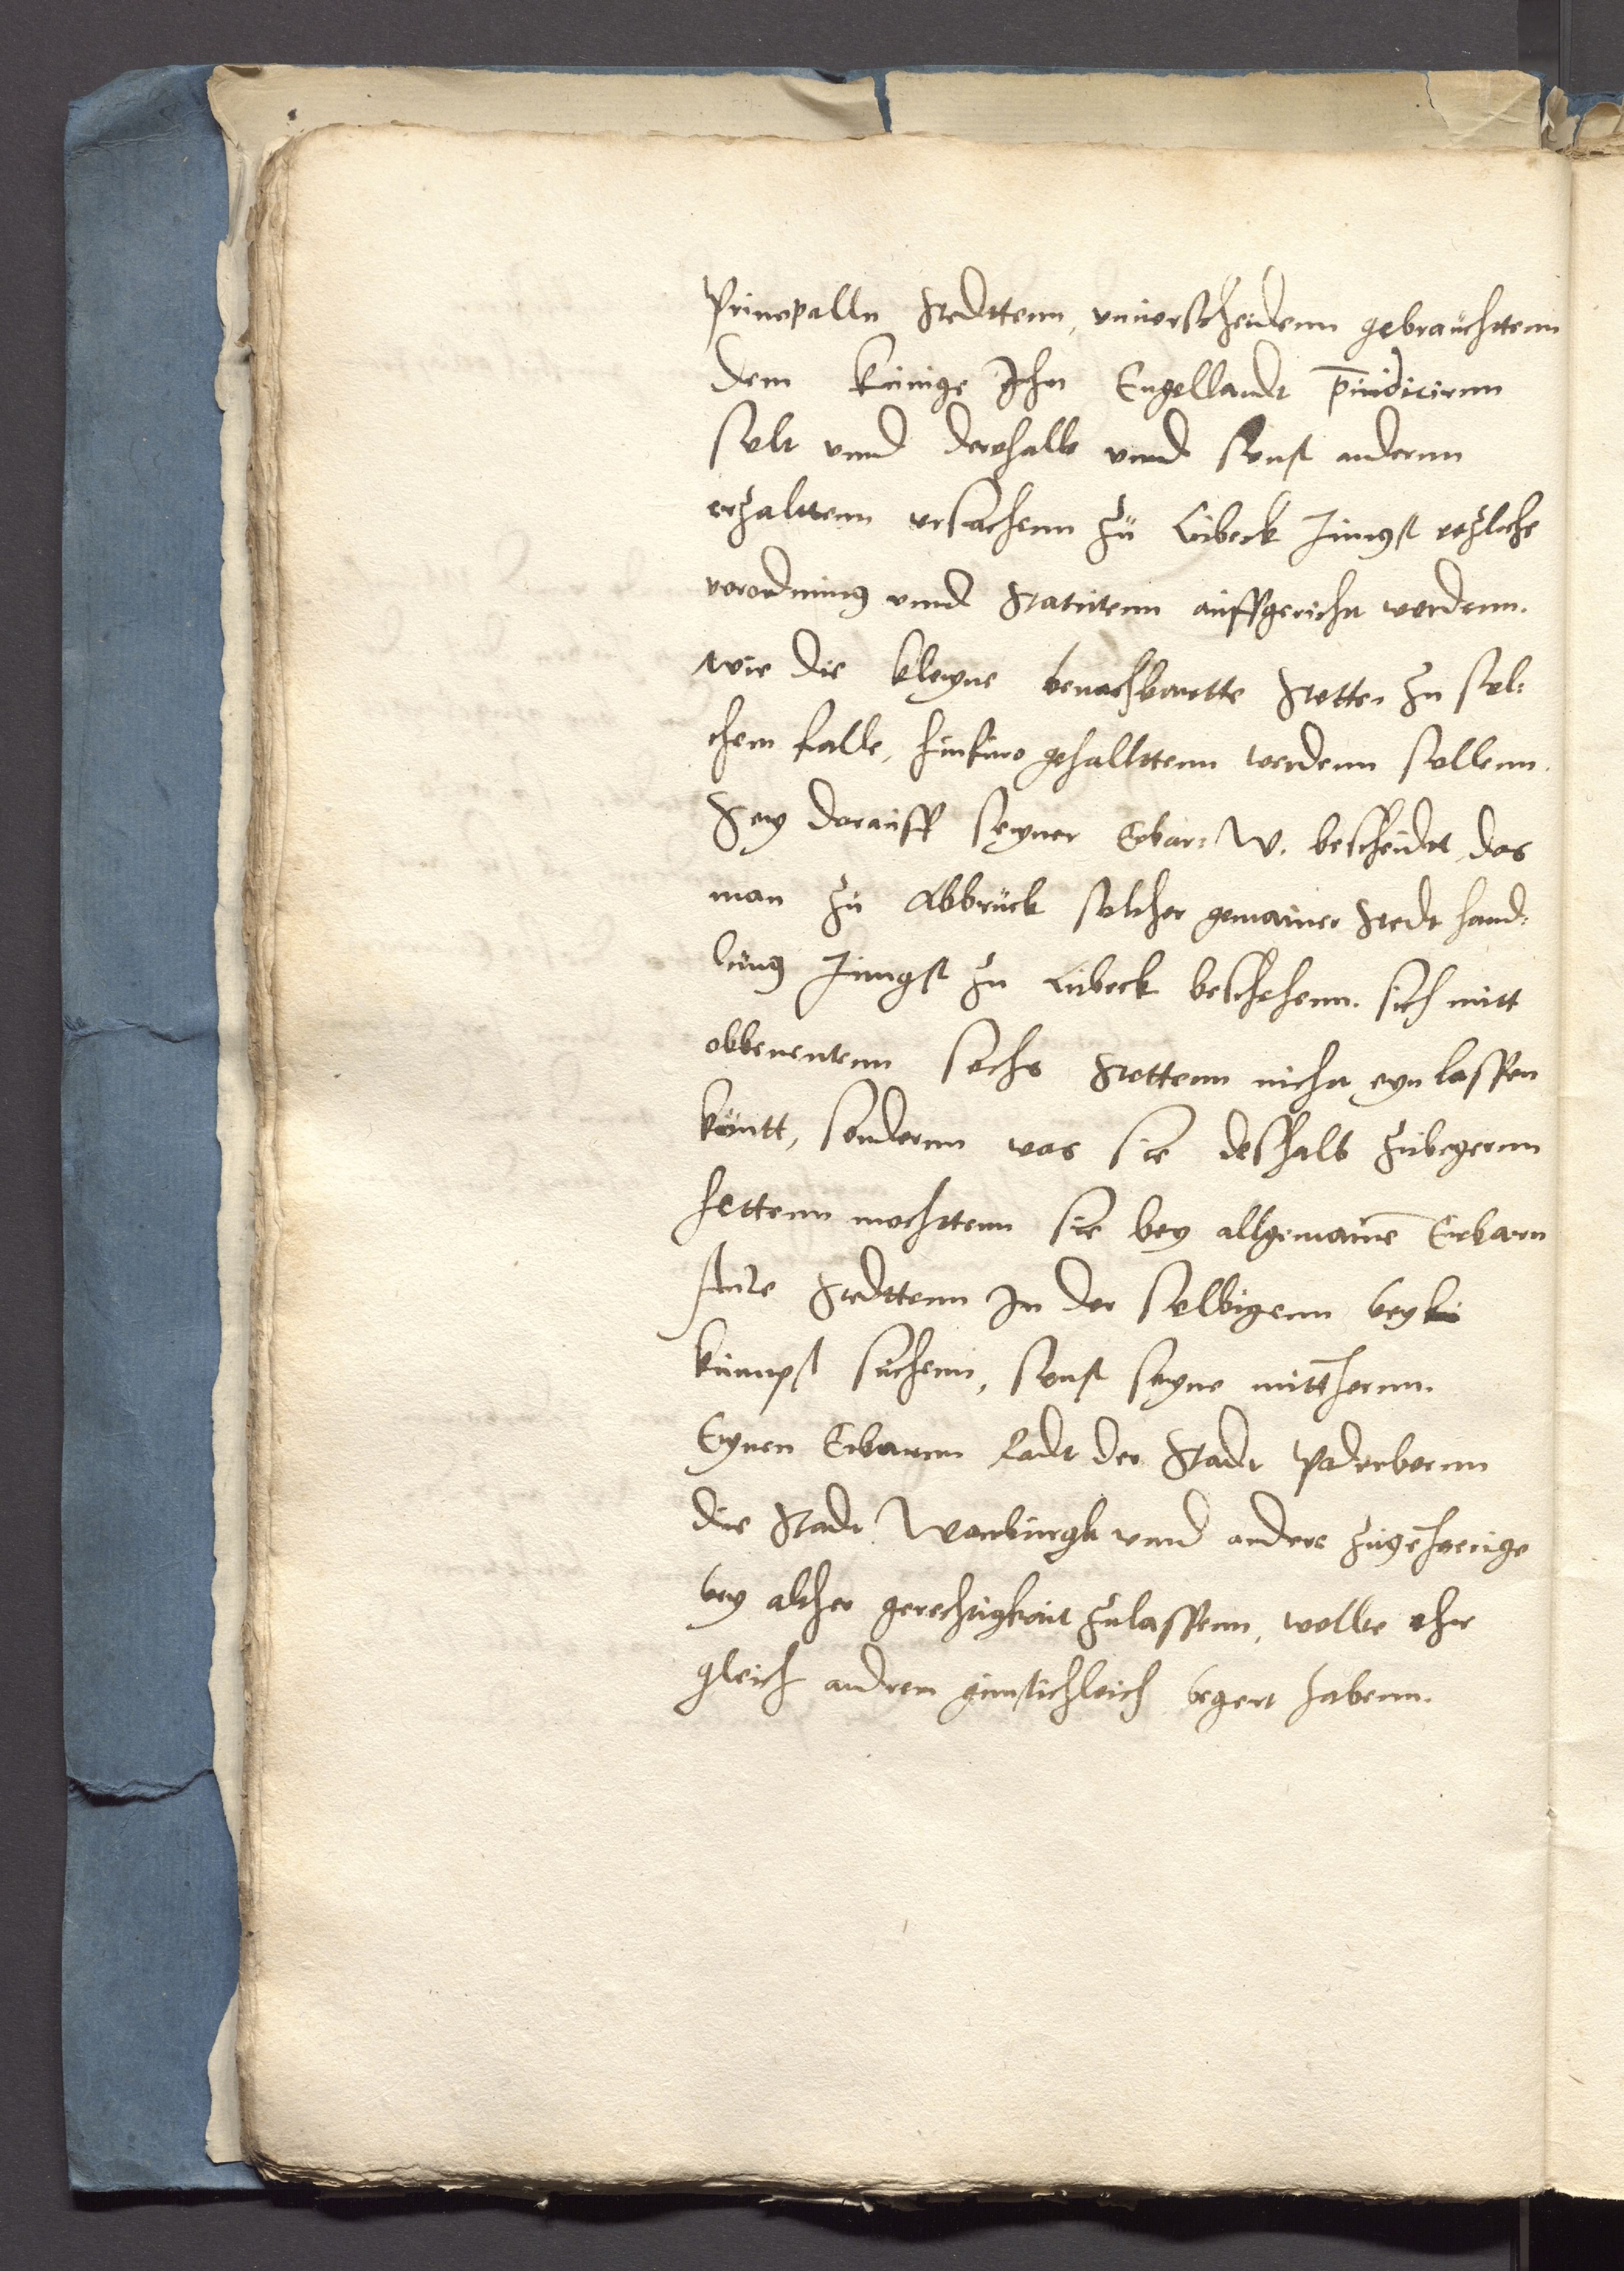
Principalln Stedttenn vnuorscheidenn gebrauchttenn
dem Kunige Jhn Engellandt peridicienn
solt vnnd derohalb vnnd sonst andernn
erhalttenn vrsachenn zu Lubeck Jungst etzliche
vorordnung vnnd Statutenn auffgerichtt wordenn,
wie die kleyne benachbarette Stetten zu sol¬
chem falle, hirfuro gehallttenn werdenn sollenn,
Sey darauff seyner Erbar, w. bescheidet das
man zu Abbruck solcher gemainen Stedt hand¬
lung Jungst zu Lubeck beschehenn, sich mitt
obbenentenn sechs Stettenn milt eyn lassen
kontt, sondernn was sie deshalb zubegernn
hettenn mochttenn sie bey allgemainen Erbaren
Anze Stedttenn Jn der selbigenn bey ki
kumpst suchenn, sonst seyne mitthornn
Eynen Erbarnn Radt der Stadt Paderbornn
die Stadt Warburgk vnnd andere zugehoerige
bey alther gerechtigkeit zulassenn wolle ehr
gleich andren gunstichleich begert habenn
